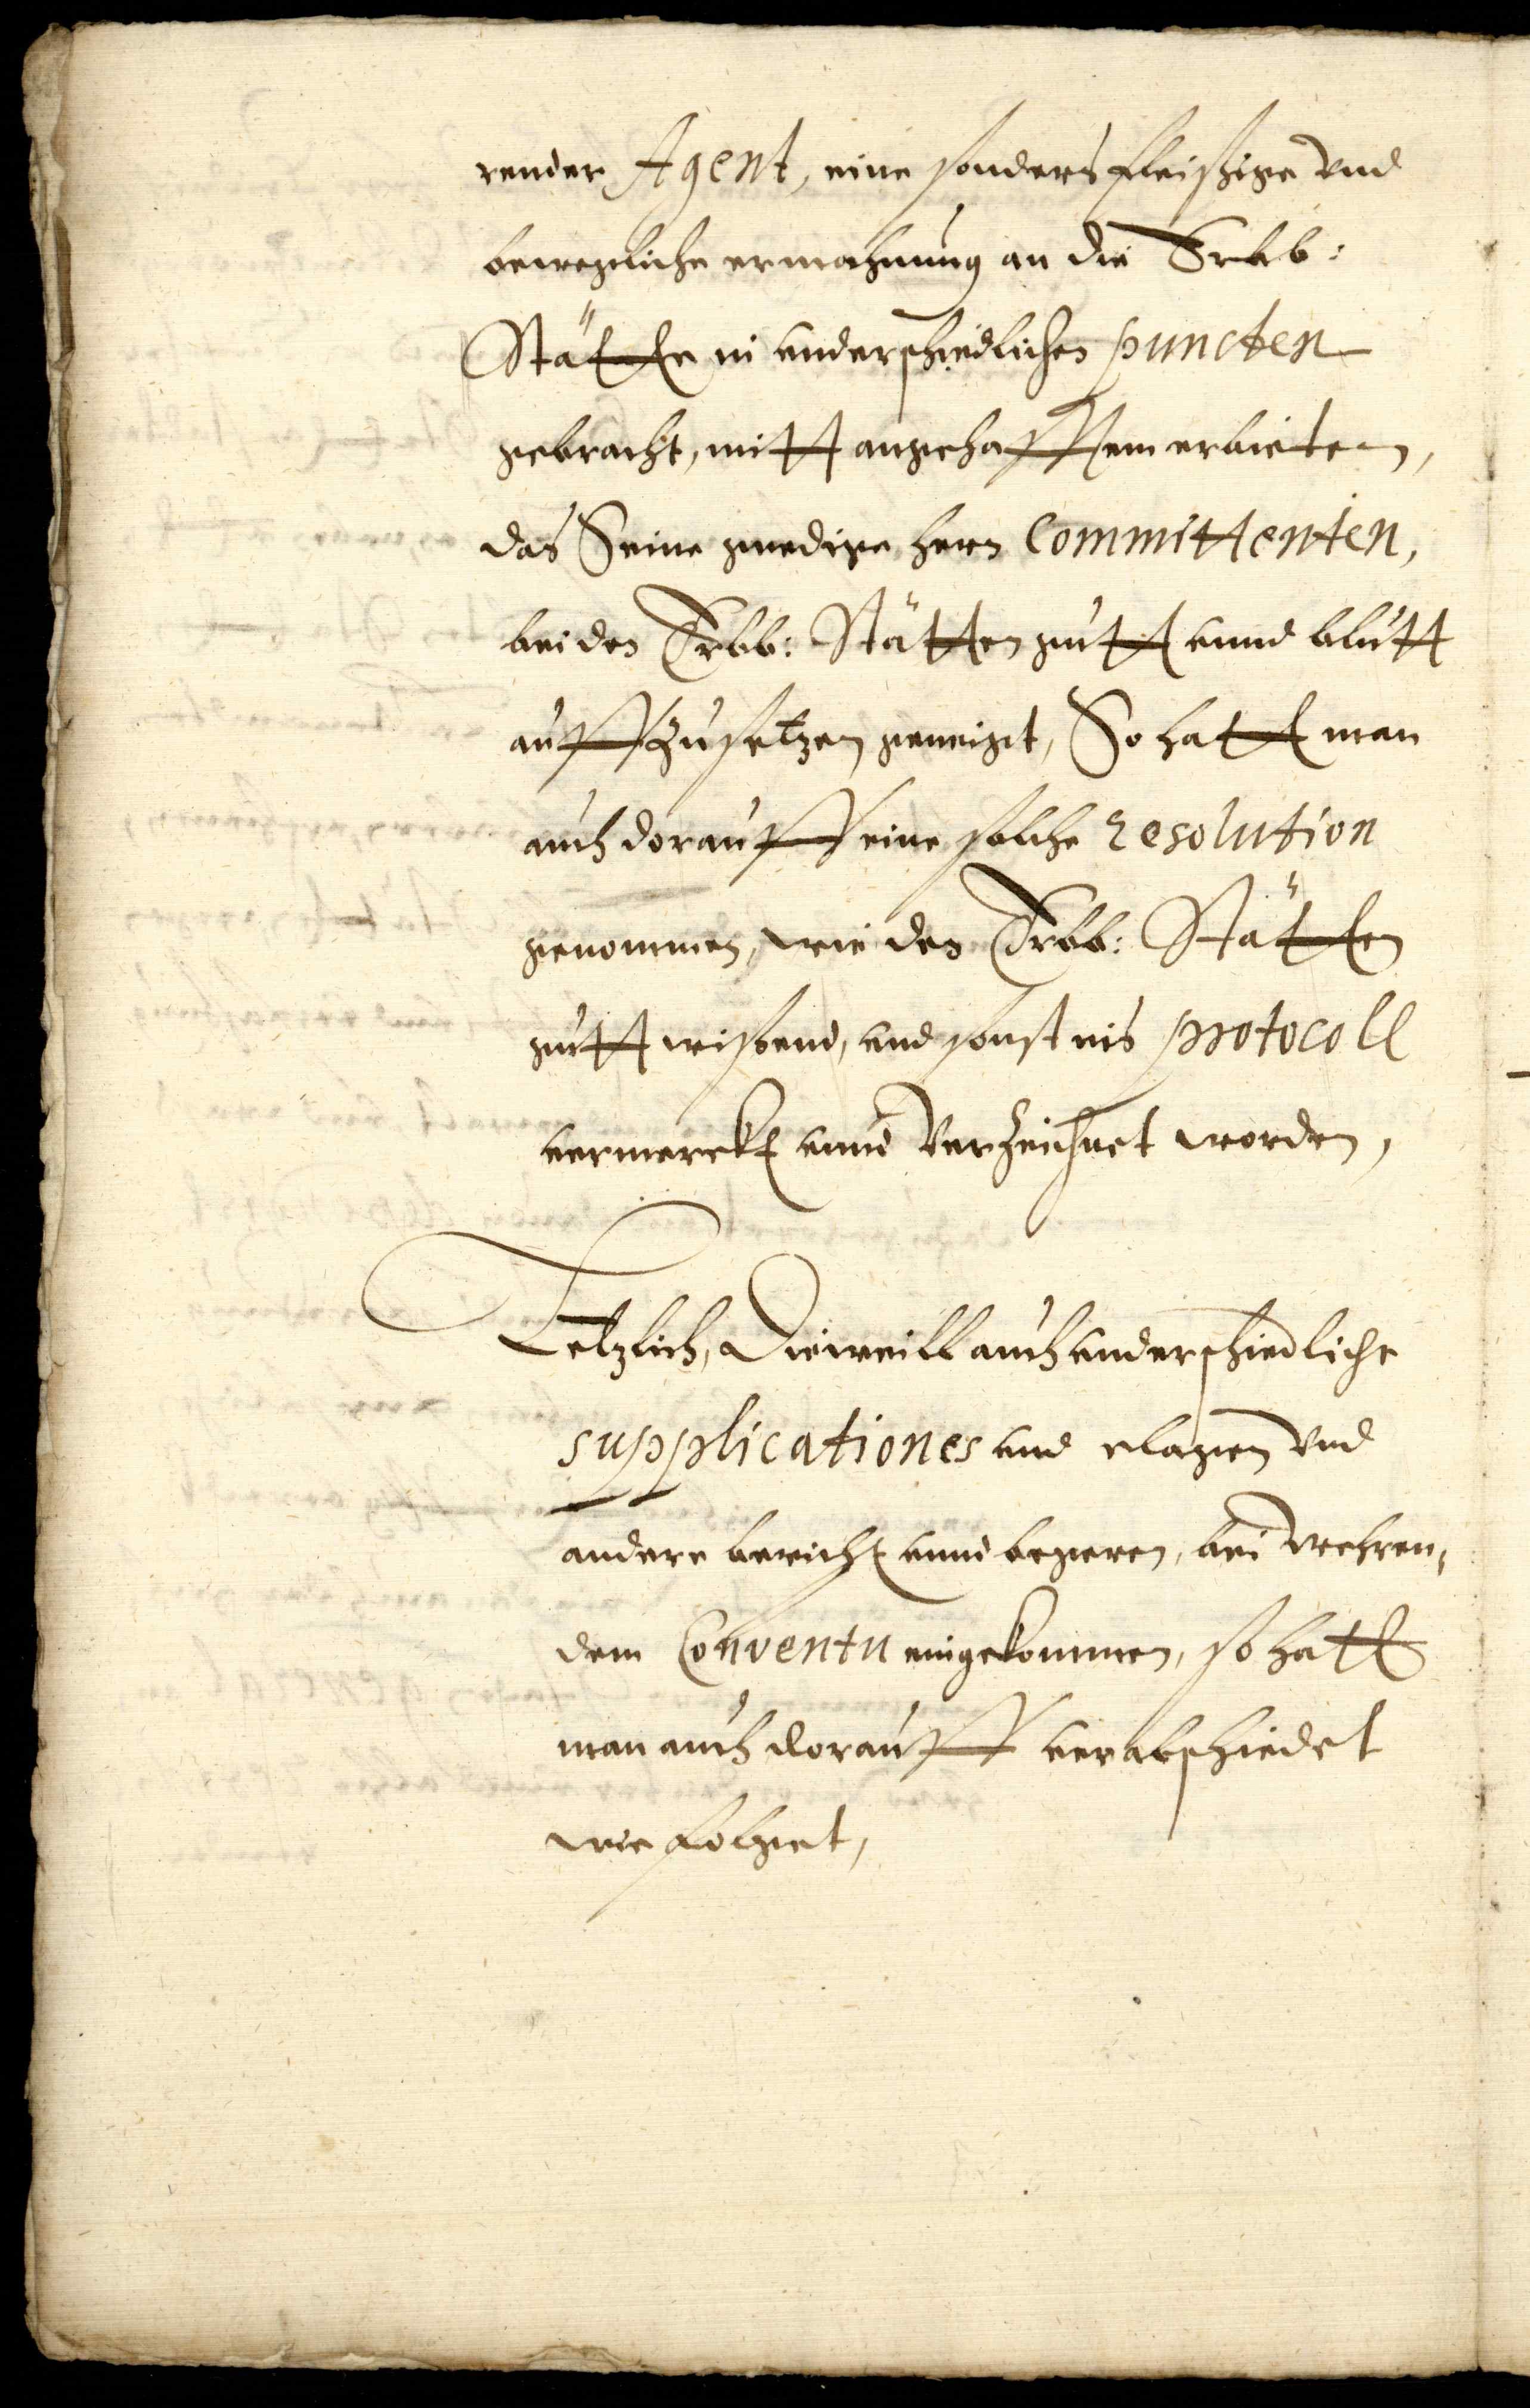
render Agent, eine sonders fleißige Vnd
bewegliche ermahnung an die Erbb:
Stätte in vnderschiedlichen puncten
gebracht, mitt angehafftem erbieten,
das Seine gnedigen hern Committenten,
bei den Erbb: Stätten gutt vnnd blutt
auffZusetzen geneigt, So hatt man
auch dorauff eine solche resolution
genommen, wie den Erbb: Stätten
gutt wißend, vnd sonst ins protocoll
vermerckt vnnd Verzeichnet worden,
Letzlich, Dieweill auch vnderschiedliche
supplicationes vnd clagen Vnd
andere bericht vnnd begeren, bei Wehren¬
dem Conventu eingekommen, so hatt
man auch dorauff verabschiedet
wie folget,
